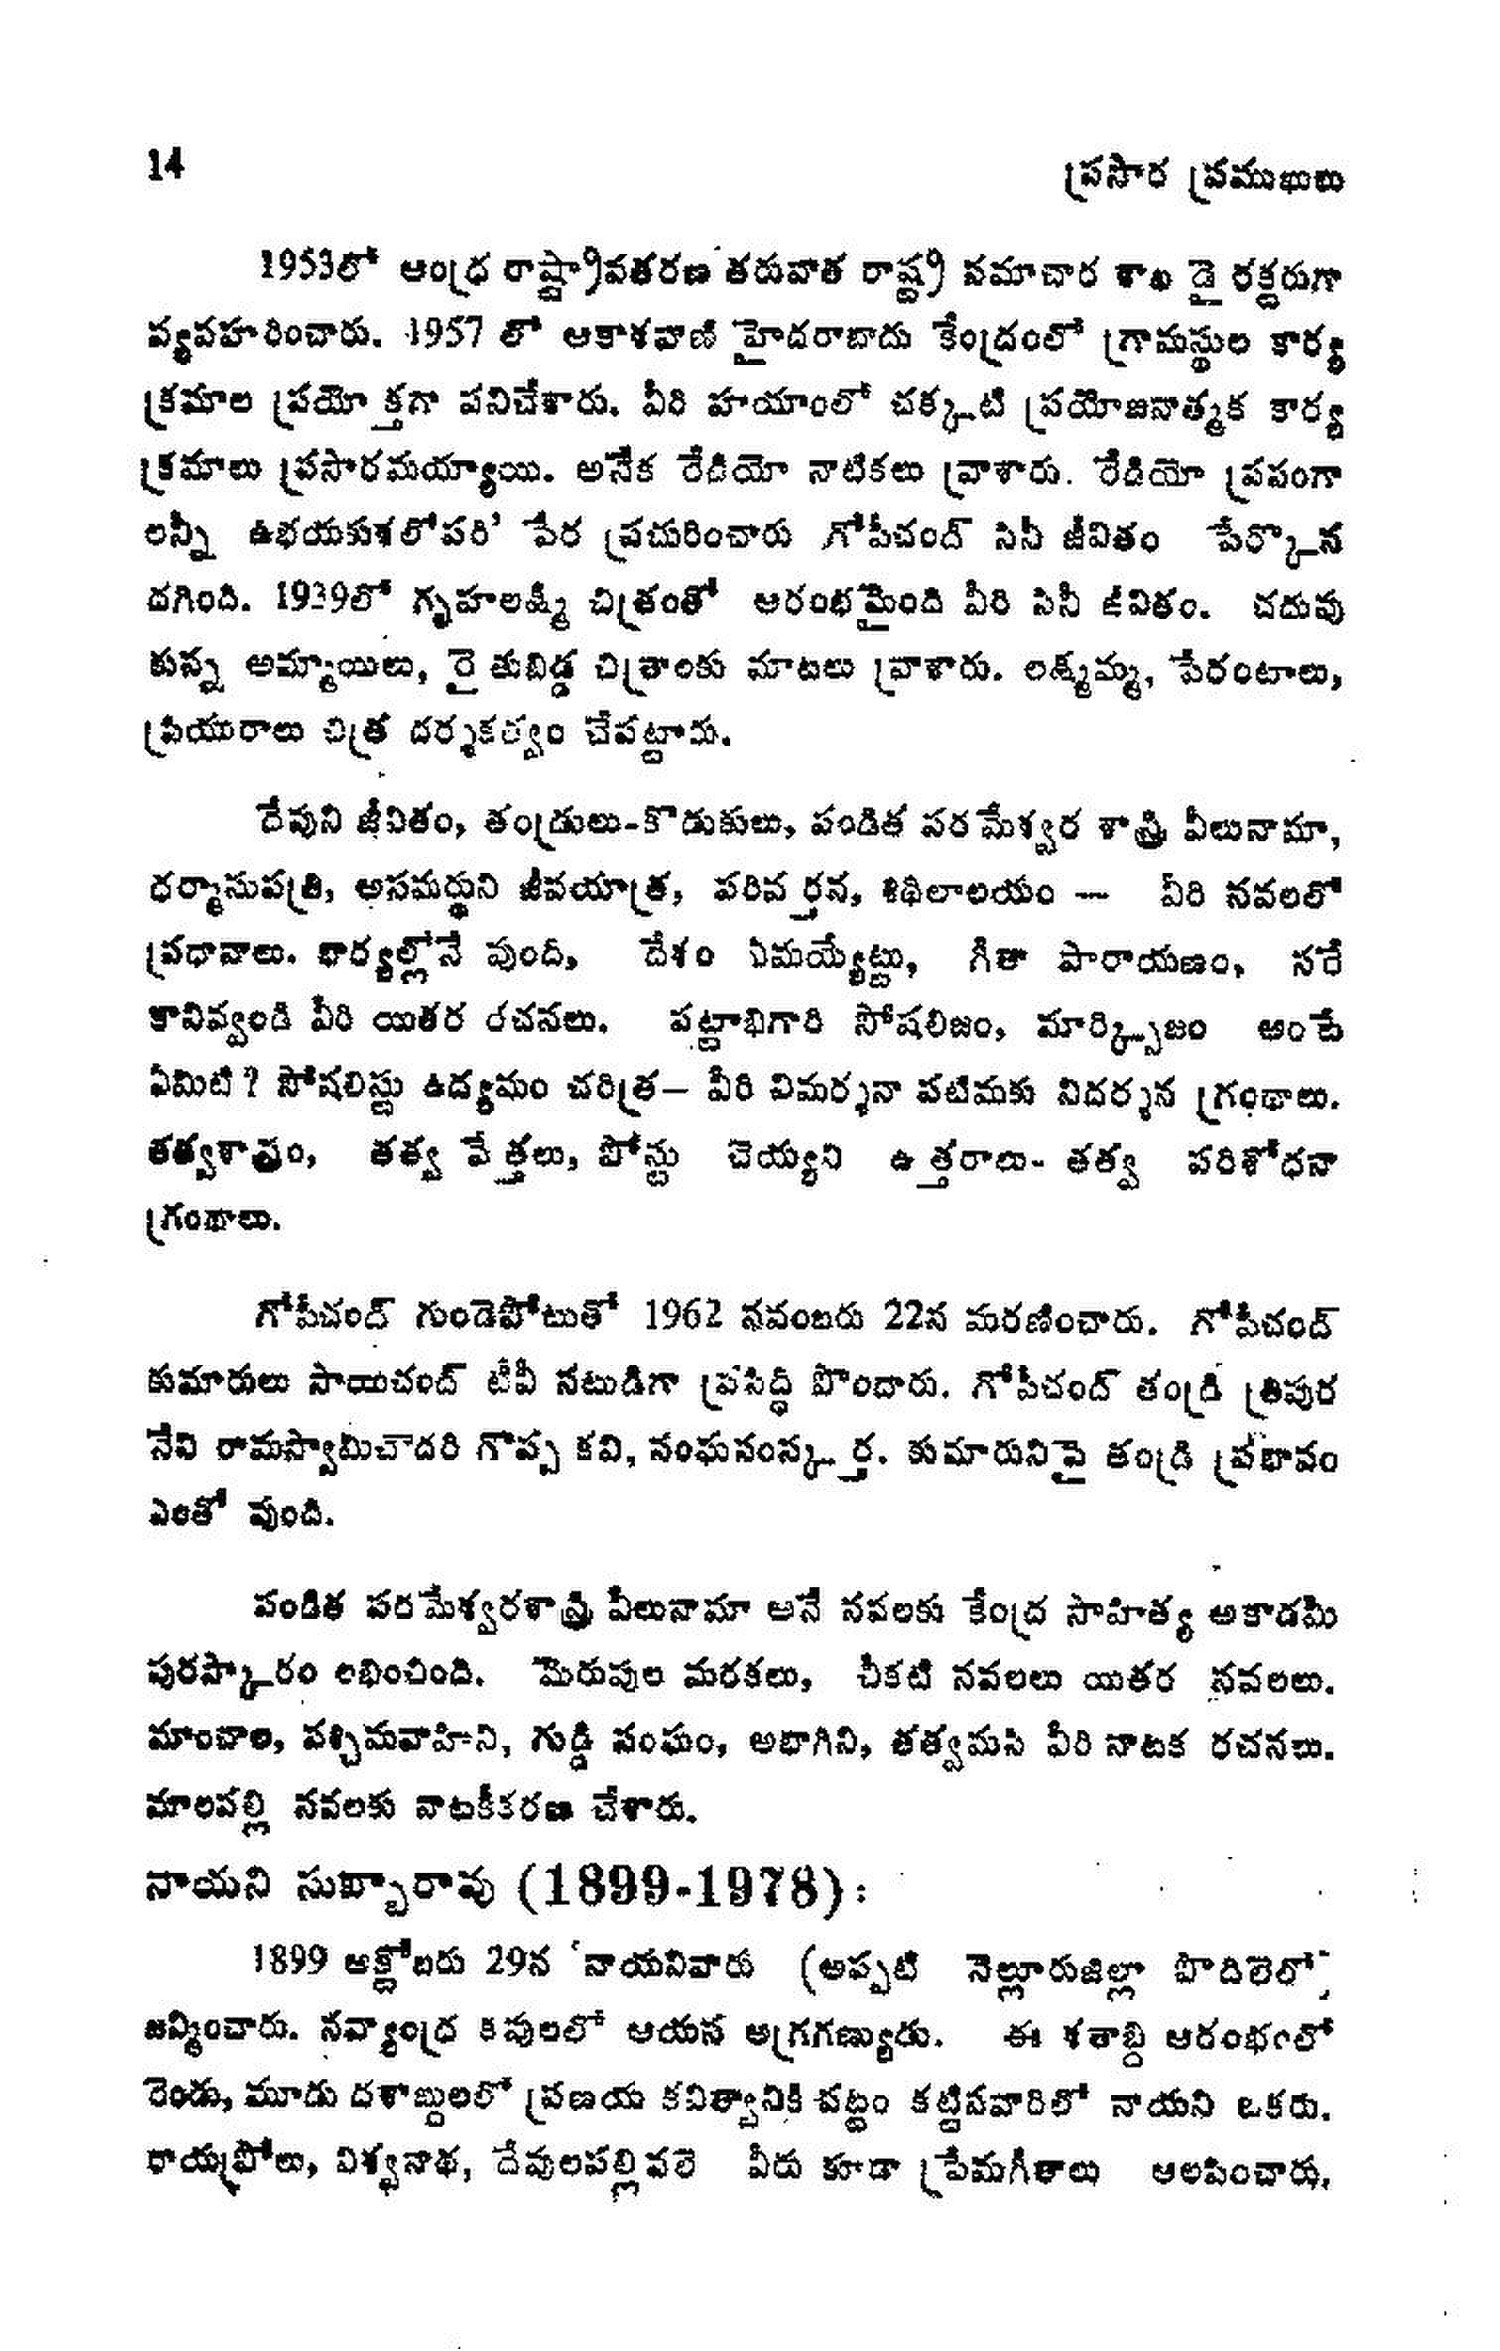1953లో ఆంధ్రరాష్ట్రావతరణ తరువాత రాష్ట్ర సమాచార శాఖ డైరెక్టరుగా వ్యవహరించారు. 1957లో ఆకాశవాణి హైదరాబాదు కేంద్రంలో గ్రామస్థుల కార్యక్రమాల ప్రయోక్తగా పని చేసారు. వీరి హయాంలో చక్కటి ప్రయోజనాత్మక కార్యక్రమాలు ప్రసారమయ్యాయి. అనేక రేడియో నాటికలు వ్రాశారు. రేడియో ప్రసంగాలన్నీ ఉభయకుశలోపరి పేర ప్రచురించారు. గోపీచంద్ సినీ జీవితం పేర్కొనదగింది. 1939లో గృహలక్ష్మి చిత్రంతో ఆరంభమైంది వీరి సినీ జీవితం. చదువుకున్న అమ్మాయిలు, రైతు బిడ్డ చిత్రాలకు మాటలు వ్రాశారు. లక్ష్మమ్మ, పేరంటాలు, ప్రియురాలు చిత్ర దర్శకత్వం చేపట్టారు.

దేవుని జీవితం, తండ్రులు-కొడుకులు , పండిత పరమేశ్వర శాస్త్రి వీలునామా, ధర్మాసుపత్రి , అసమర్ధుని జీవయాత్ర , పరివర్తన, శిధిలాలయం - వీరి నవలలో ప్రధానాలు. భార్యల్లోనే వుంది, దేశం ఎమయ్యేట్టు , గీతా పారాయణం ,సరే కానివ్వండి వీరి యితర రచనలు. పట్టభిగారి సోషలిజం , మర్క్సిజం అంటే ఏమిటి? సోషలిస్టు ఉద్యమం చరిత్ర - వీరి విమర్శనా పటిమకు నిదర్సన గ్రంధాలు. తత్వశాస్త్రం, తత్వవేత్తలు, పోస్టు చెయ్యని ఉత్తరాలు - తత్వ పరిశోధనా గ్రంధాలు.

గోపీచంద్ గుండెపోటుతో 1962 నవంబరు 22న మరణించారు. గోపీచంద్ కుమారులు సైచాండ్ టీవి నటుడిగా ప్రసిద్దిపొందారు. గోపీచంద్ తండ్రి త్రిపురనేని రామస్వామి చౌదరి గొప్ప కవి, సంఘసంస్కర్త . కుమారునిపై తండ్రి ప్రభావం ఎంతో వుంది.

పండిత పరమేశ్వర శాస్త్రి వీలునామా అనీ నవలకు కేంద్ర సాహిత్య అకాడమి పురస్కారం లభించింది. మెరుపుల మరకలు , చీకటి నవలలు యితర నవలలు, మాంచాల, పస్చిమవాహిని, గుడ్డి సంఘం , అభాగివి, తత్వమసి వీరి నాటక రచనలు. మాలపల్లి నవలకు నాటకీకరణ చేసారు.

1899 అక్టోబరు 29న నాయనివారు (అప్పటి నెల్లూరు జిల్లా పొదిలిలో జన్మించారు. నవ్యాంధ్ర కవులలో ఆయన అగ్రగణ్యుడు. ఈ శతాబ్ది ఆరంభంలో రెండు,మూడు దశాబ్దులలో ప్రణయ కవిత్వానికి పట్టం కట్టినవారిలో నాయని ఒకరు. రాయప్రోలు, విశ్వనాథ ,దేవులపల్లివలె వీరు కూడా ప్రేమగీతాలు ఆలపించారు.